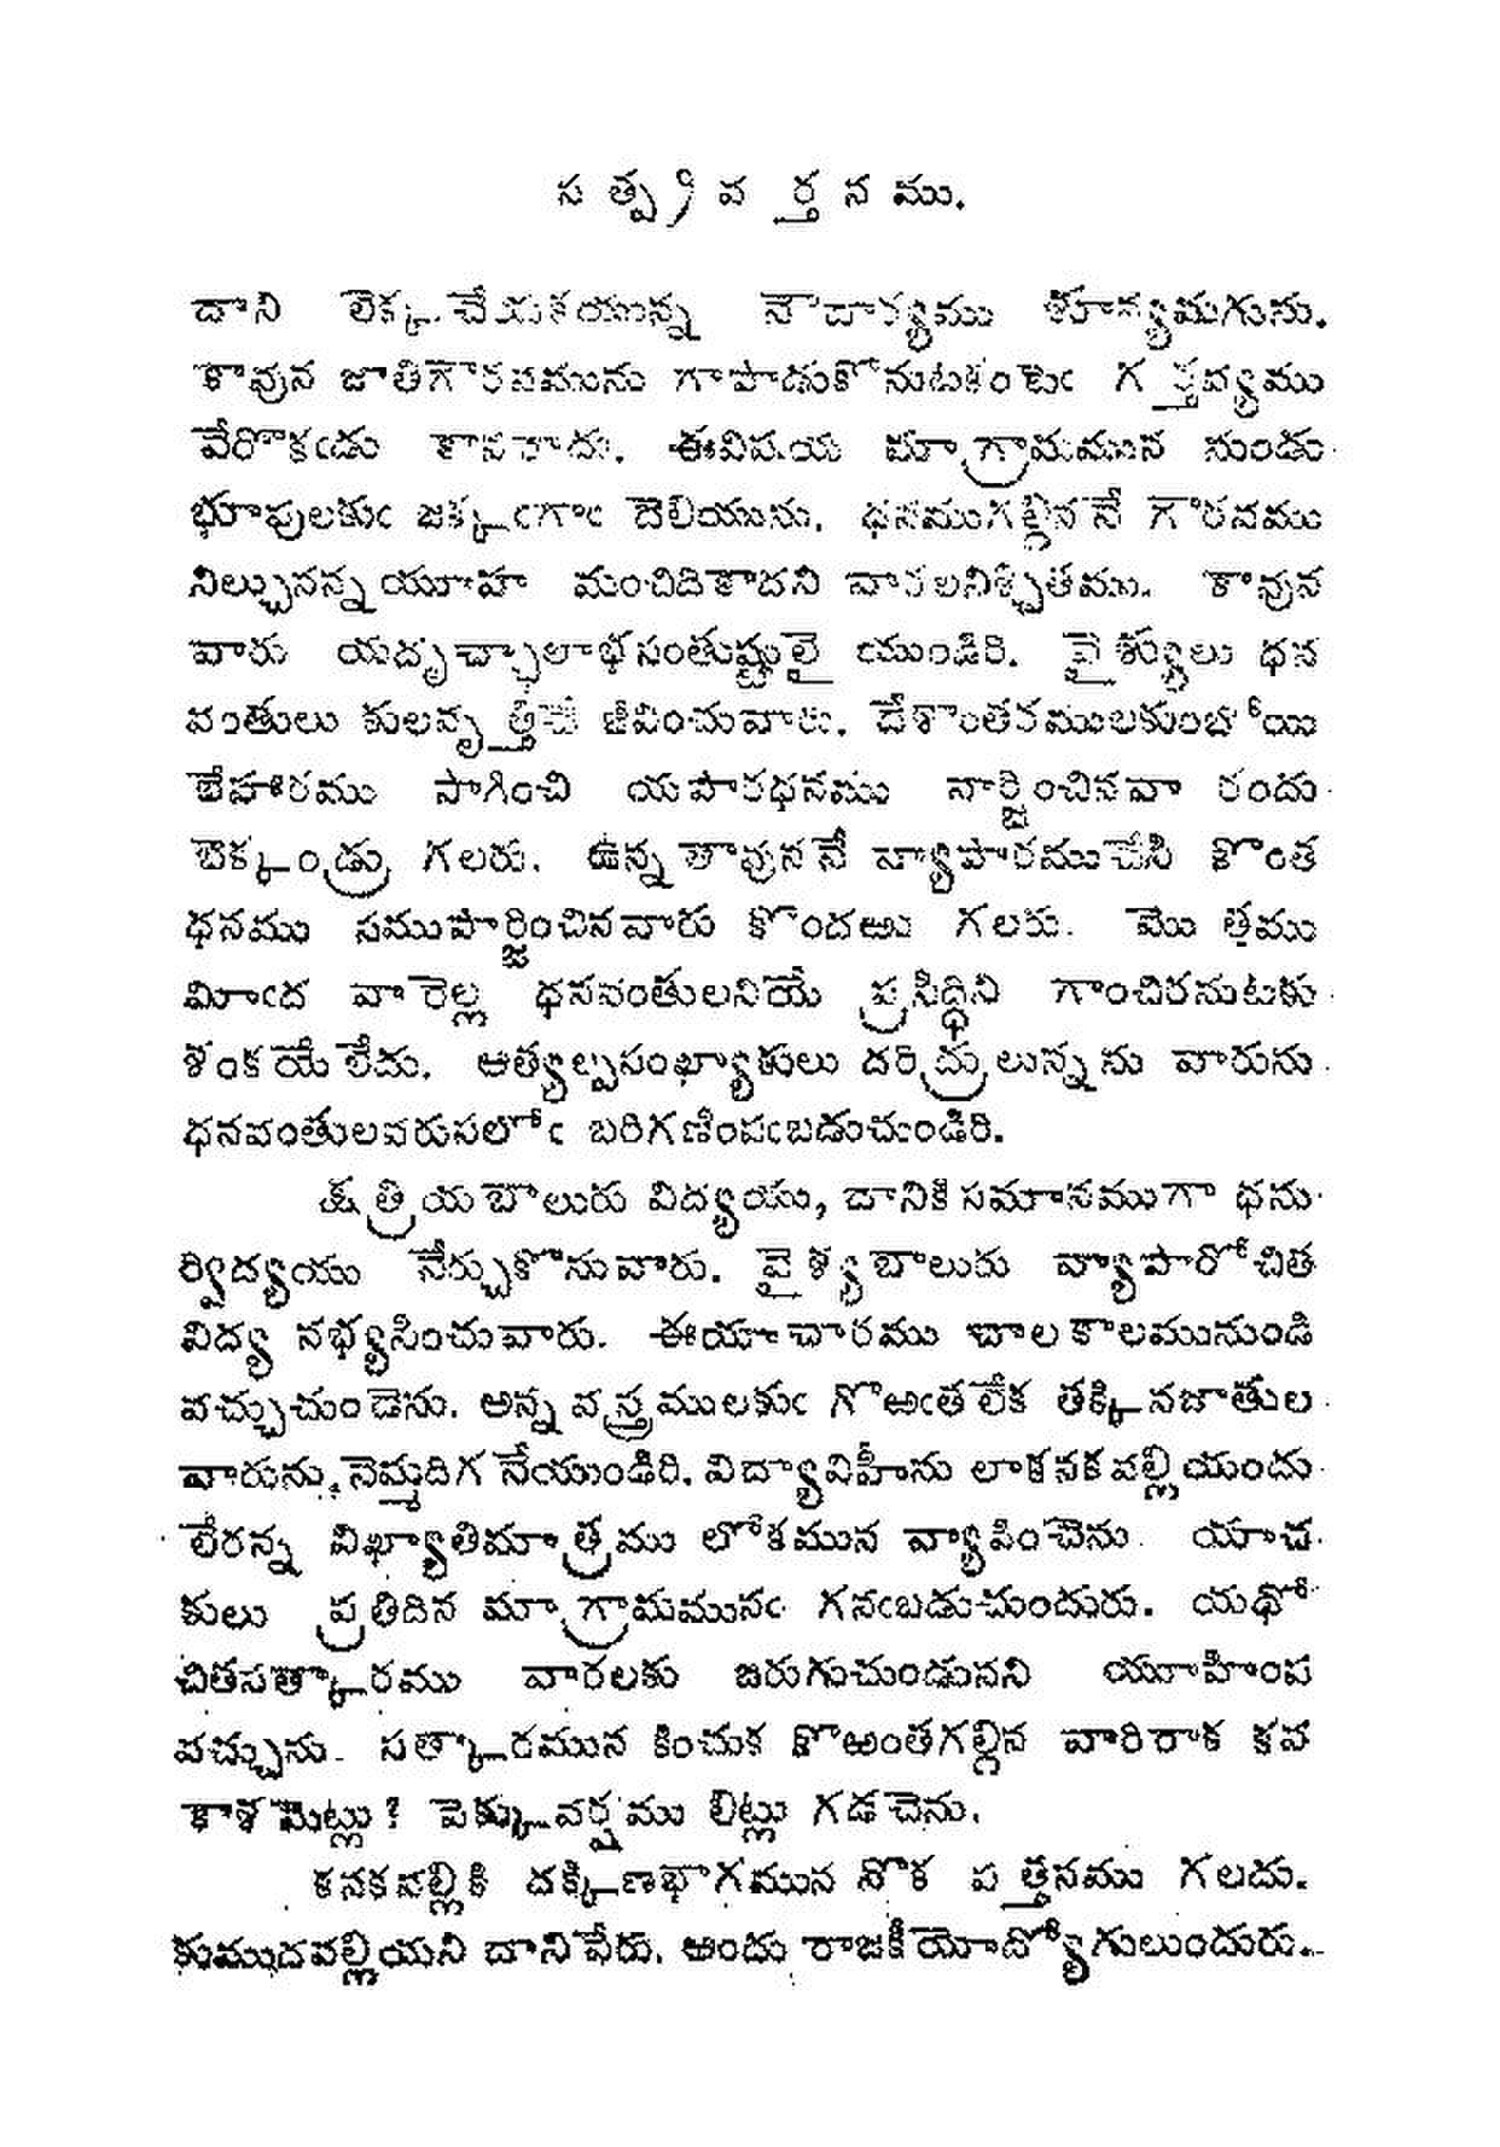దాని లెక్క చేసుకున్న సౌదర్యము శూన్యమగును. "కావున జాతిగౌరామును గా పొడుకోనుటకంటే గర్తవ్యము వేరొకఁడు కానరాదు. ఈవిషయ మా గ్రామమున నుండు భూపులకుఁ జక్కగా దెలియును, ధనము గల్గిననే గౌరవము నిల్చునన్న యూహ మంచిది కాదని వారలనిచ్చితము. కావున వారు యదృచ్ఛాలాభ సంతుష్టులై యుండిరి. వైశ్యులు ధన పంతులు కులవృత్తి జీవించువారు, దేశాంతరములకుంబోయి బేహారము సాగించి యపొకథనము నార్జించిన వారందు 'బెక్కండ్రు గలరు. ఉన్న తావుననే వ్యాపారము చేసి కొంత ధనము సముపార్జించిన వారు కొందఱుం గలరు. మొత్తము
మీఁద వా రెల్ల "ధనసంతులనియే ప్రసిద్ధిని గాంచిననుటకు శంకయే లేదు. అత్యల్పసంఖ్యాకులు దరిద్రులున్నను వారును ధనవంతులవరుసలోఁ బరిగణించ బడుచుండిరి.

క్షత్రియ బాలురు విద్యయు, దానికి సమానముగా ధనుర్విద్యయు నేర్చుకొను వారు. వైశ్య బాలురు వ్యాపారోచిత విద్య నభ్యసించువారు. ఈయాచారము బాల కాలమునుండి వచ్చుచుండెను. అన్న వస్త్రములకుఁ గొఱత లేక తక్కినజాతుల వారును, నెమ్మదిగ నేయుండిరి, విద్యావిహీను లాకనక పల్లి యందు లేరన్న విఖ్యాతి మాత్రము లోకమున వ్యాపించెను. యాచకులు ప్రతిదిన మా గ్రామమునఁ గనఁబడుచుందురు. యథో" చితసత్కారము వారలకు జరుగుచుండునని యూహింప వచ్చును. సత్కారమున కించుక కొఱామ్తగల్గిన వారి రాక కవకాశ మెట్లు! 'పెక్కు వర్షము లిట్లు గడచెను. 
-
కనకపల్లికి దక్కిణ భాగమున నొక పత్తనము గలదు. కుముదవల్లియని దాని పేరు. అందు రాజకీ యోద్యోగులుందురు..